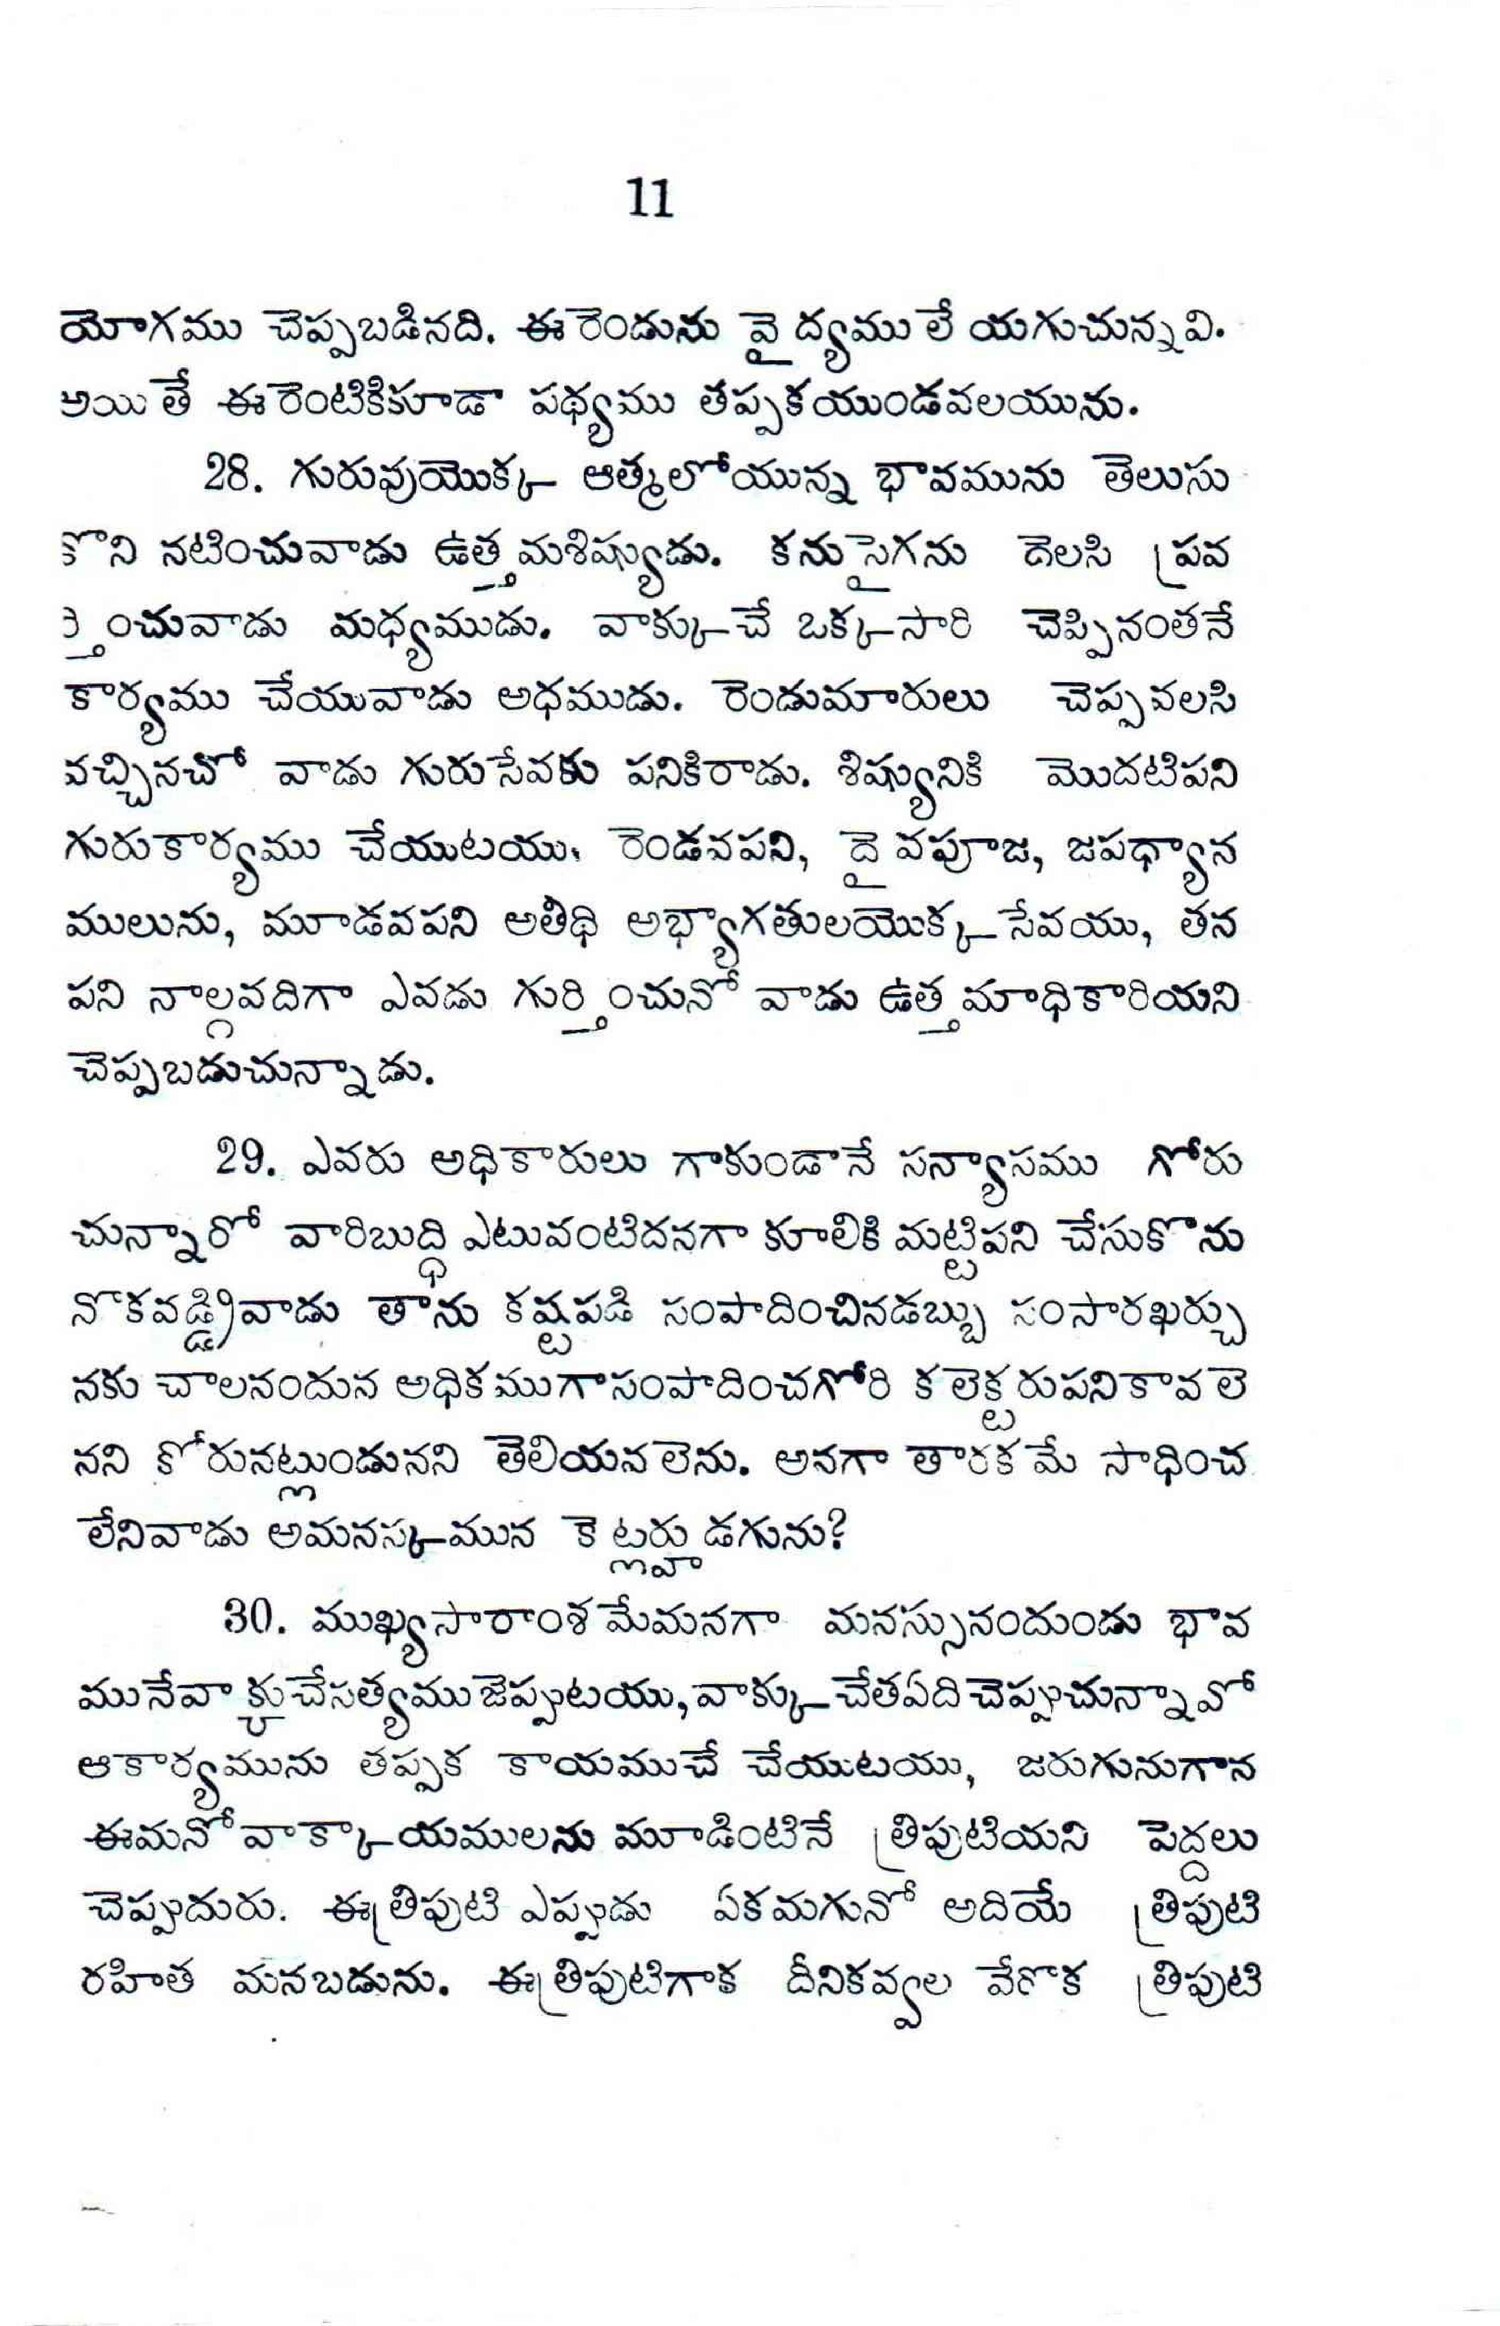యోగము చెప్పబడినది, ఈ రెండును వైద్యములే యగుచున్నవి. అయితే ఈ రెంటికికూడా పథ్యము తప్పకయుండవలయును.

28. గురువుయొక్క ఆత్మలోయున్న భావమును తెలుసుకొని నటించువాడు ఉత్తమశిష్యుడు. కనుసైగను దెలసి ప్రవర్తించువాడు మధ్యముడు. వాక్కుచే ఒక్కసారి చెప్పినంతనే కార్యము చేయువాడు అధముడు. రెండుమారులు చెప్పవలసి వచ్చినచో వాడు గురుసేవకు పనికిరాడు. శిష్యునికి మొదటిపని గురుకార్యము చేయుటయు, రెండవపని, దైవపూజ, జపధ్యానములును, మూడవపని అతిథి అభ్యాగతులయొక్క సేవయు, తనపని నాల్గవదిగా ఎవడు గుర్తించునో వాడు ఉత్తమాధికారియని చెప్పబడుచున్నాడు.

29. ఎవరు అధికారులు గాకుండానే సన్యాసము గోరుచున్నారో వారిబుద్ధి ఎటువంటిదనగా కూలికి మట్టిపని చేసుకొను నొక వడ్రీవాడు తాను కష్టపడి సంపాదించినడబ్బు సంసారఖర్చునకు చాలనందున అధికముగా సంపాదించగోరి కలెక్టరుపని కావలెనని కోరుకున్నట్లుండుయని తెలియవలెను. అనగా తారకమే సాధించ లేనివాడు అమనస్కమున కెట్లర్హుడగును? 

30. ముఖ్యసారాంశ మేమనగా మనస్సునందుండు భావమునేవాక్కుచే సత్యము జెప్పుటయు, వాక్కుచేత ఏది చెప్పుచున్నావో ఆకార్యమును తప్పక కాయముచే చేయుటయు, జరుగునుగాన ఈమనోవాక్కాయములను మూడింటినే త్రిపుటియని పెద్దలు చెప్పుదురు. ఈత్రిపుటి ఎప్పుడు ఏకమగునో అదియే త్రిపుటిరహిత మనబడును. ఈత్రిపుటిగాక దీనికవ్వల వేరొక త్రిపుటి